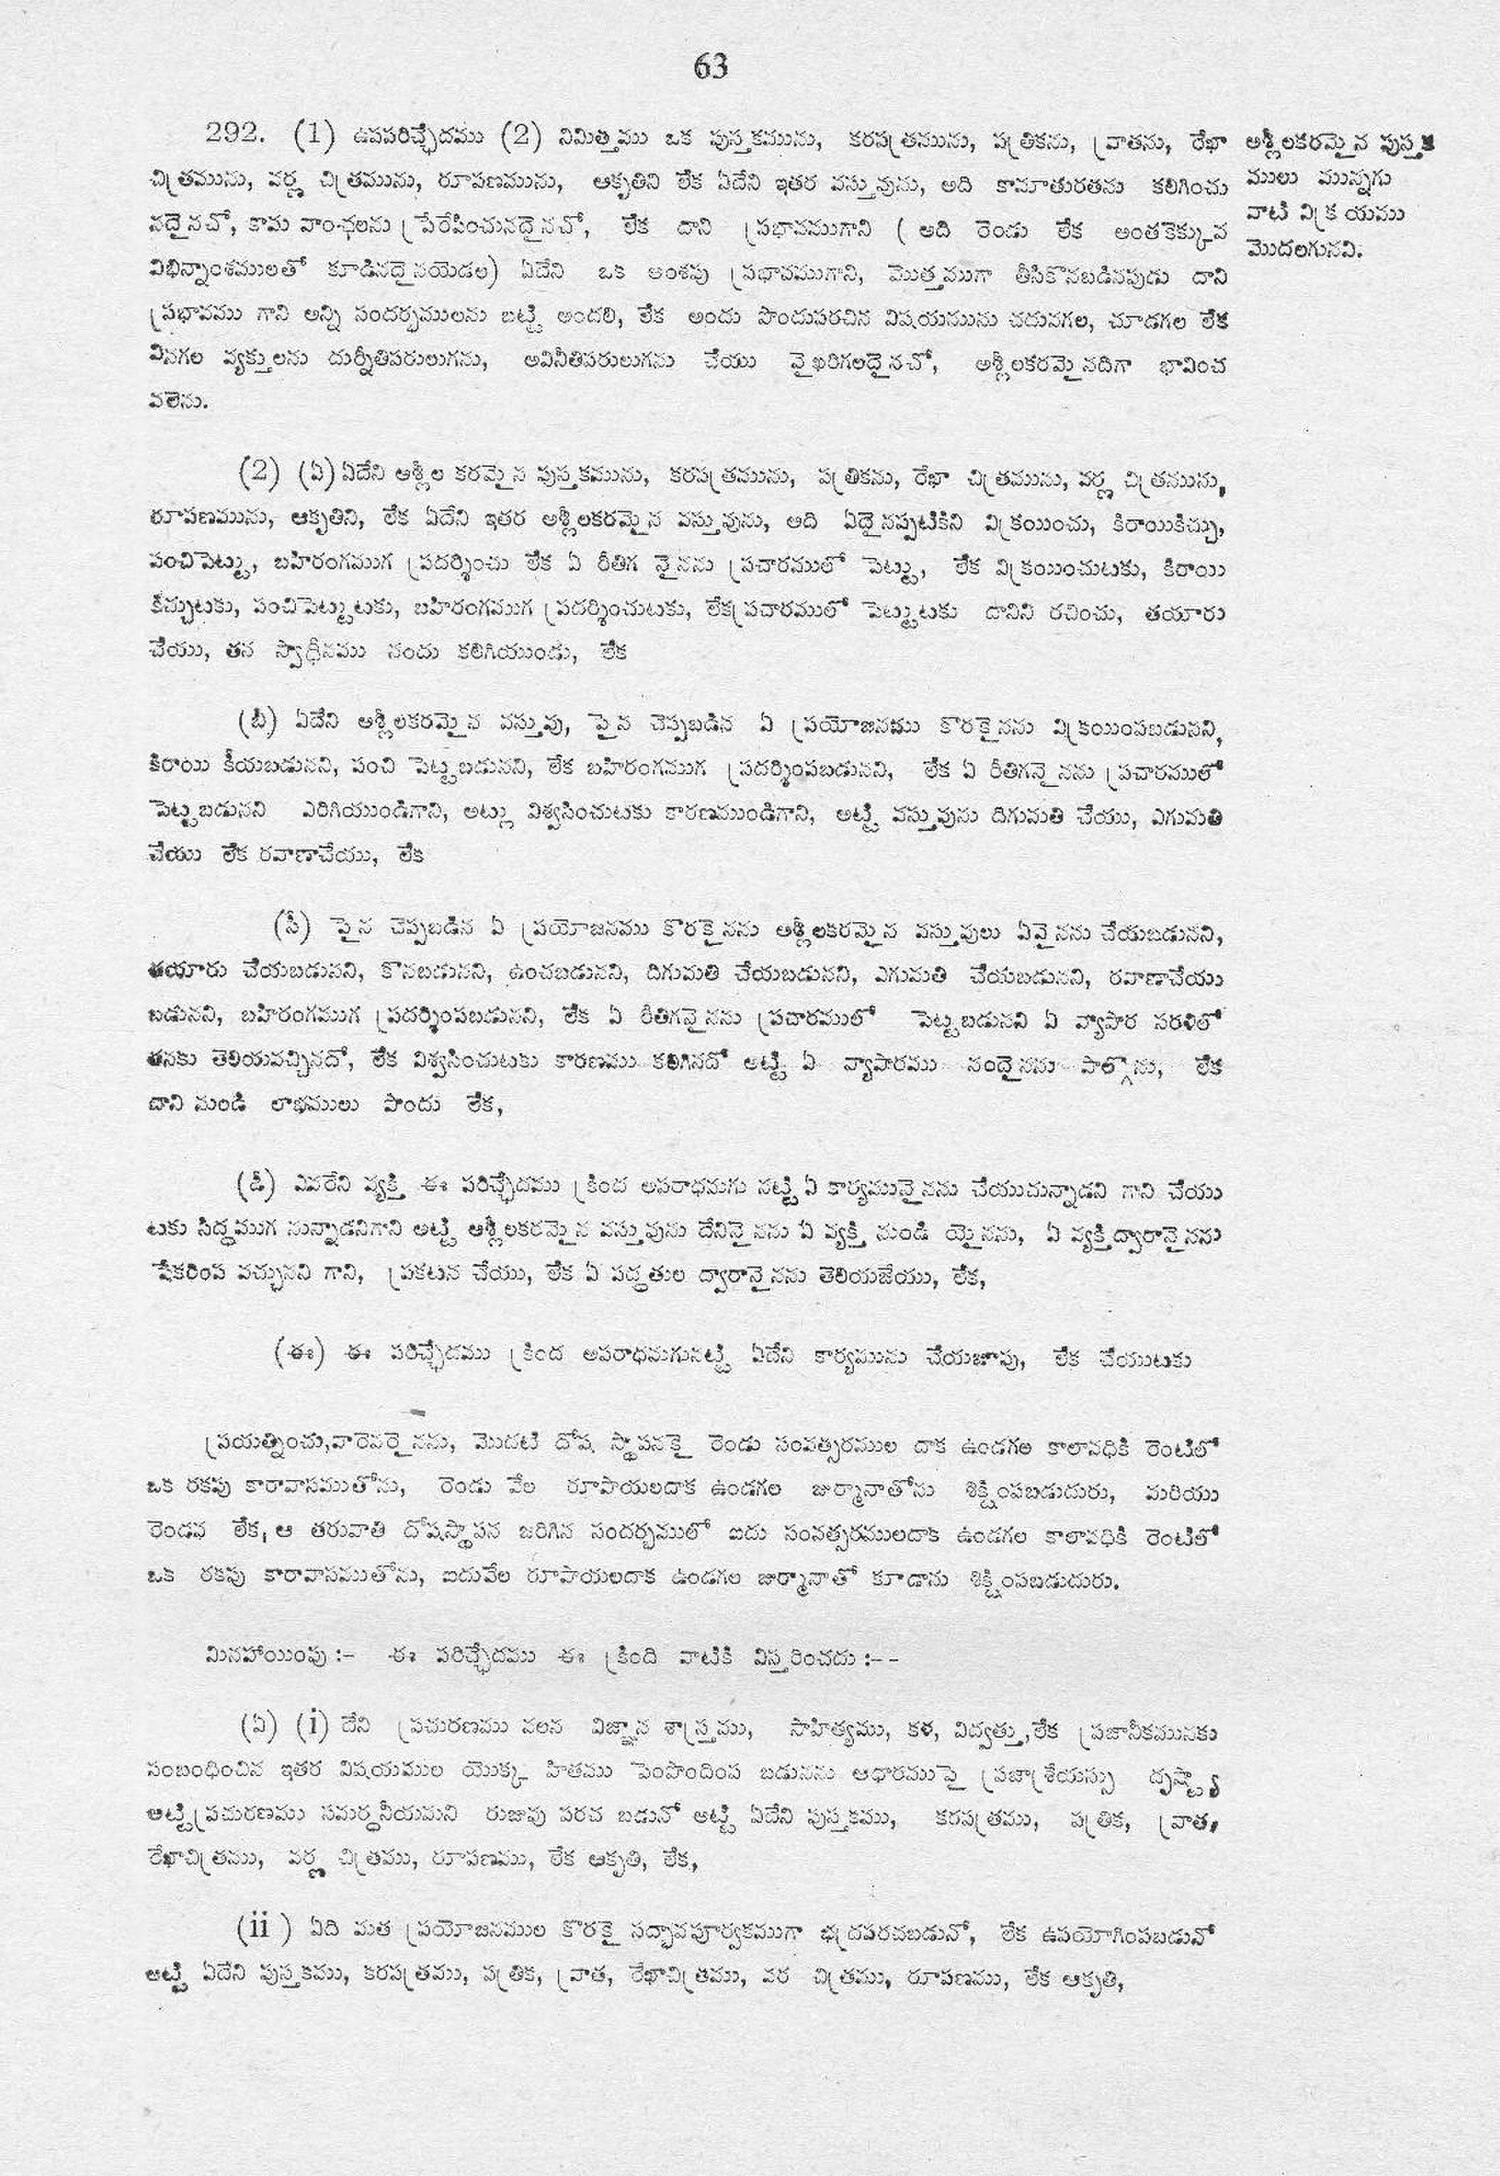అశ్లీ లకరమైన పుస్తకములు మున్నగు వాటి విక్రయము మొదలగునవి.

292. (1) ఉపపరిచ్ఛేదము (2) నిమిత్తము ఒక పుస్తకమును, కరపత్రమును, పత్రికను, వ్రాతను, రేఖా చిత్రమును, వర్ణ చిత్రమును, రూపణమును, ఆకృతిని లేక ఏదేని ఇతర వస్తువును, అది కామాతురతను కలిగించు నదైనచో, కామ వాంఛలను ప్రేరేపించునదైనచో, లేక దాని ప్రభావముగాని 
( అది రెండు లేక అంత కెక్కువ విభిన్నాంశములతో కూడినదైనయెడల) ఏదేని ఒక అంశపు ప్రభావముగాని, మొత్తముగా తీసికొనబడినపుడు దాని
ప్రభావము గాని అన్ని సందర్భములను బట్టి అందలి, లేక అందు పొందుపరచిన విషయమును చదువగల, చూడగల లేక వినగల వ్యక్తులను దుర్నీతిపరులుగను, అవినీతిపరులుగను చేయు వైఖరిగలదైనచో, అశ్లీలకరమై నదిగా భావించవలెను.

(2) (ఏ) ఏదేని అశ్లీ ల కరమైన పుస్తకమును, కరపత్రమును, పత్రికను, రేఖా చిత్రమును, వర్ణ చిత్రమును, రూపణమును, ఆకృతిని, లేక ఏదేని ఇతర అశ్లీలకరమైన వస్తువును, అది ఏదైనప్పటికిని విక్రయించు, కిరాయికిచ్చు, పంచి పెట్టు, బహిరంగముగ ప్రదర్శించు లేక ఏ రీతిగ నైనను ప్రచారములో పెట్టు, లేక విక్రయించుటకు, కిరాయి. కిచ్చుటకు, పంచి పెట్టుటకు, బహిరంగముగ ప్రదర్శించుటకు, లేక ప్రచారములో పెట్టుటకు దానిని రచించు, తయారుచేయు, తన స్వాధీనము నందు కలిగియుండు, లేక

(బి) ఏదేని అశ్లీ లకరమైన వస్తుపు, పైన చెప్పబడిన ఏ ప్రయోజనము కొరకై నను విక్రయింపబడునని,కిరాయి కీయబడునని, పంచి పెట్టబడునని, లేక బహిరంగముగ ప్రదర్శింపబడునని, లేక ఏ రీతిగనై నను ప్రచారములో పెట్టబడునని ఎరిగియుండిగాని, అట్లు విశ్వసించుటకు కారణముండిగాని, అట్టి వస్తువును దిగుసుతి చేయు, ఎగుమతి చేయు లేక రవాణాచేయు, లేక

(సీ) పైన చెప్పబడిన ఏ ప్రయోజనము కొరకై నను అశ్లీ లకరమైన వస్తువులు ఏవై నను చేయబడునని, తయారు చేయబడునని, కొనబడునని, ఉంచబడునని, దిగుమతి చేయబడునని, ఎగుమతి చేయబడునని, రవాణా చేయుబడునని, బహిరంగముగ ప్రదర్శింపబడునని, లేక ఏ రీతిగవైనను ప్రచారములో పెట్టబడునని ఏ వ్యాపార సరళిలో తనకు తెలియ వచ్చినదో, లేక విశ్వసించుటకు కారణము కలిగినదో అట్టి ఏ వ్యాపారము నందైనను పాల్గొను, లేక దాని నుండి లాభములు పొందు లేక,

(డీ) ఎవరేని వ్యక్తి ఈ పరిచ్ఛేదము క్రింద అపరాధమగు నట్టి ఏ కార్యమునై నను చేయుచున్నాడని గాని చేయుటకు సిద్ధముగ నున్నాడనిగాని అట్టి అశ్లీ లకరమైన వస్తువును దేనినైనను ఏ వ్యక్తి నుండి యైనను, ఏ వ్యక్తి ద్వారానైనను సేకరింప వచ్చునని గాని, ప్రకటన చేయు, లేక ఏ పద్ధతుల ద్వారానై నను తెలియజేయు, లేక,

(ఈ) ఈ పరిచ్ఛేదము క్రింద అపరాధమగుపట్టి ఏదేని కార్యమును చేయజాపు, లేక చేయుటకు

ప్రయత్నించు, వారెవరైనను, మొదటి దోష, స్థాపనకై రెండు సంవత్సరముల దాక ఉండగల కాలావధికి రెంటిలో ఒక రకపు కారావాసముతోను, రెండు వేల రూపాయలదాక ఉండగల జుర్మానాతోను శిక్షింపబడుదురు, మరియు రెండవ లేక, ఆ తరువాతి దోషస్థాపన జరిగిన సందర్భములో ఐదు సంవత్సరములదాక ఉండగల కాలావధికి రెంటిలో ఒక రకపు కారావాసముతోను, ఐదువేల రూపాయలదాక ఉండగల జుర్మానాతో కూడాను శిక్షింపబడుదురు.

మినహాయింపు :-ఈ పరిచ్ఛేదము ఈ క్రింది వాటికి విస్తరించదు :--

(ఏ) (i) దేని ప్రచురణము వలన విజ్ఞాన శాస్త్రము, సాహిత్యము, కళ, విద్వత్తు , లేక ప్రజానీకమునకు సంబంధించిన ఇతర విషయముల యొక్క హితము పెంపొందింప బడునను ఆధారము పై ప్రజా శ్రేయస్సు దృష్ట్యా అట్టి ప్రచురణము సమర్థ నీయమని రుజువు పరచ బడునో అట్టి ఏదేని పుస్తకము, కరపత్రము, పత్రిక, వ్రాత, రేఖాచిత్రము, వర్ణ చిత్రము, రూపణము, లేక ఆకృతి, లేక,

(ii ) ఏది మత ప్రయోజనముల కొరకై సద్భావ పూర్వకముగా భద్రపరచబడునో, లేక ఉపయోగింపబడునో అట్టి ఏదేని పుస్తకము, కరపత్రము, పత్రిక, వ్రాత, రేఖాచిత్రము, పర చిత్రము, రూపణము, లేక ఆకృతి,